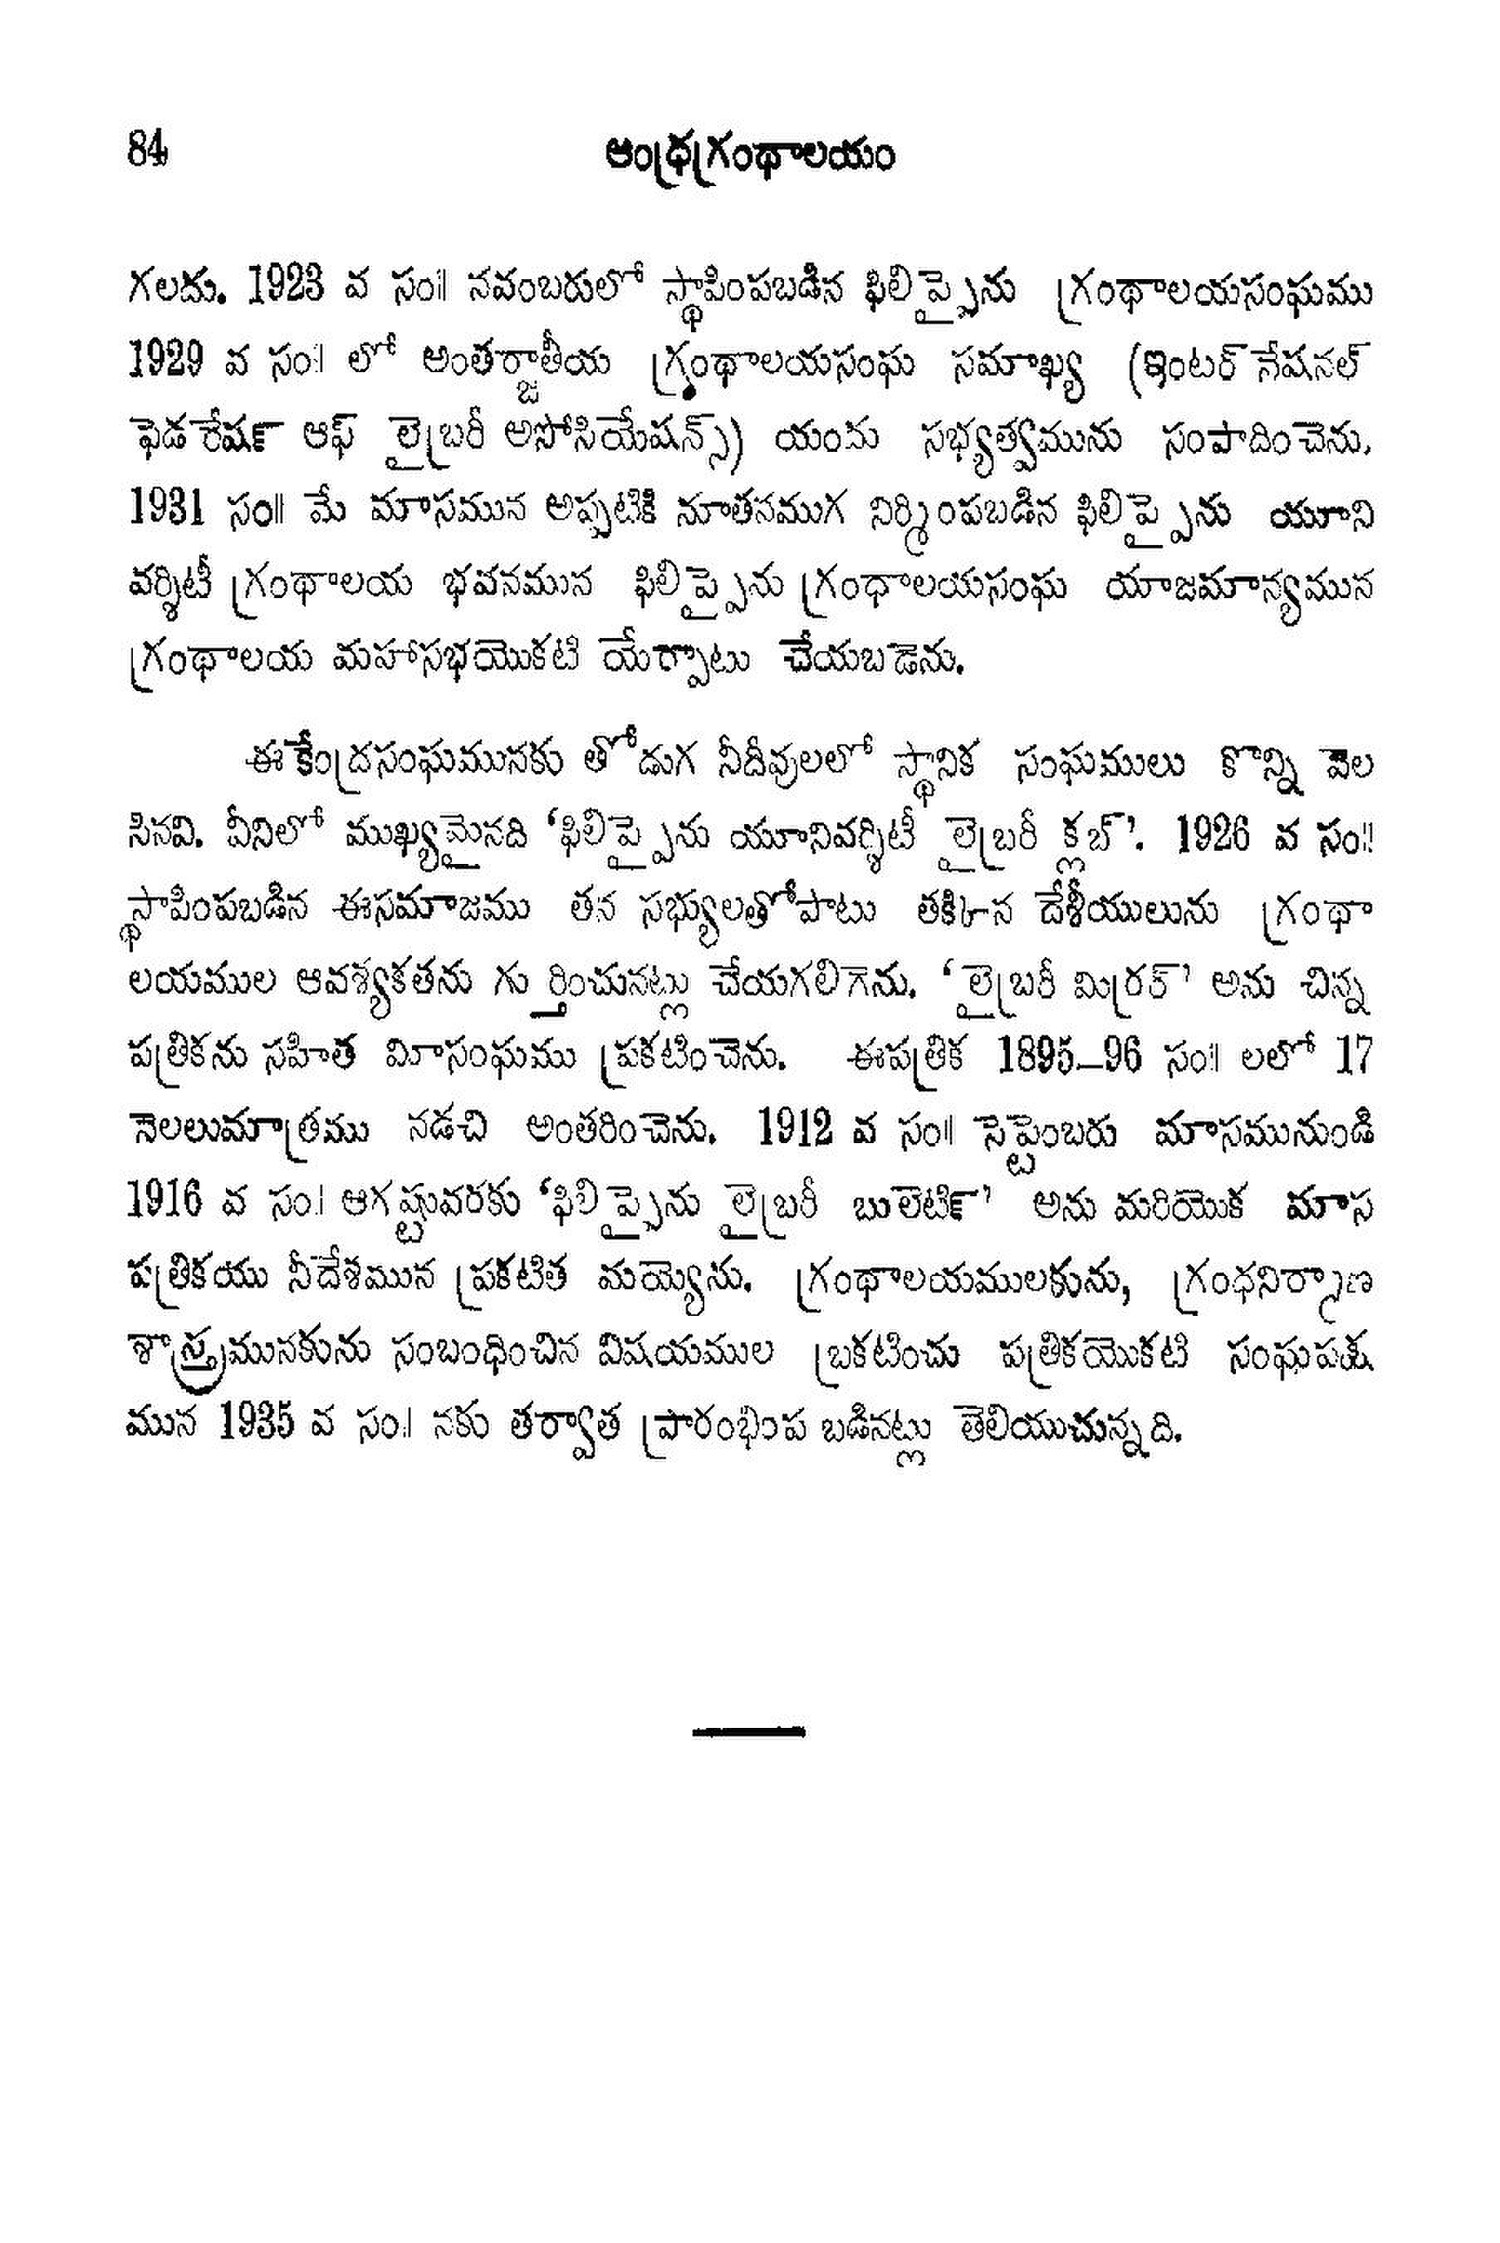గలదు. 1923 వ సం॥ నవంబరులో స్థాపింపబడిన ఫిలిప్పైను గ్రంథాలయసంఘము 1929వ సం లో అంతర్జాతీయ 
గ్రంథాలయసంఘ సమాఖ్య (ఇంటర్నేషనల్ ఫెడరేషన్ ఆఫ్ లైబ్రరీ అసోసియేషన్స్) యందు సభ్యత్వమును సంపాదించెను.
1931 సం॥ మే మాసమున అప్పటికి నూతనముగ నిర్మింపబడిన ఫిలిప్పైను యూనివర్శిటీ గ్రంథాలయ భవనమున ఫిలిప్పైను గ్రంధాలయసంఘ యాజమాన్యమున గ్రంథాలయ మహాసభయొకటి యేర్పాటు చేయబడెను.

ఈ కేంద్రసంఘమునకు తోడుగ నీదీవులలో స్థానిక సంఘములు కొన్ని వెలసినవి. వీనిలో ముఖ్యమైనది 'ఫిలిప్పైను యూనివర్శిటీ
లైబ్రరీ క్లబ్'. 1926 వ సం॥ స్థాపింపబడిన ఈ సమాజము తన సభ్యులతోపాటు తక్కిన దేశీయులును గ్రంథాలయముల 
ఆవశ్యకతను గుర్తించునట్లు చేయగలిగెను. 'లైబ్రరీ మిర్రర్' అను చిన్నపత్రికను సహిత మీసంఘము ప్రకటించెను. ఈపత్రిక 
1895-96 సం॥ లలో 17 నెలలుమాత్రము నడచి అంతరించెను. 1912 వ సం॥ సెప్టెంబరు మాసమునుండి 1916 వ సం 
ఆగష్టువరకు ‘ఫిలిప్పైను లైబ్రరీ బులెటి౯' అను మరియొక మాసపత్రికయు నీదేశమున ప్రకటిత మయ్యెను. గ్రంథాలయములకును, గ్రంథనిర్మాణశాస్త్రమునకును సంబంధించిన విషయముల బ్రకటించు పత్రిక యొకటి సంఘపక్షమున 1935వ సం౹౹నకు తర్వాత ప్రారంభింప బడినట్లు తెలియుచున్నది.